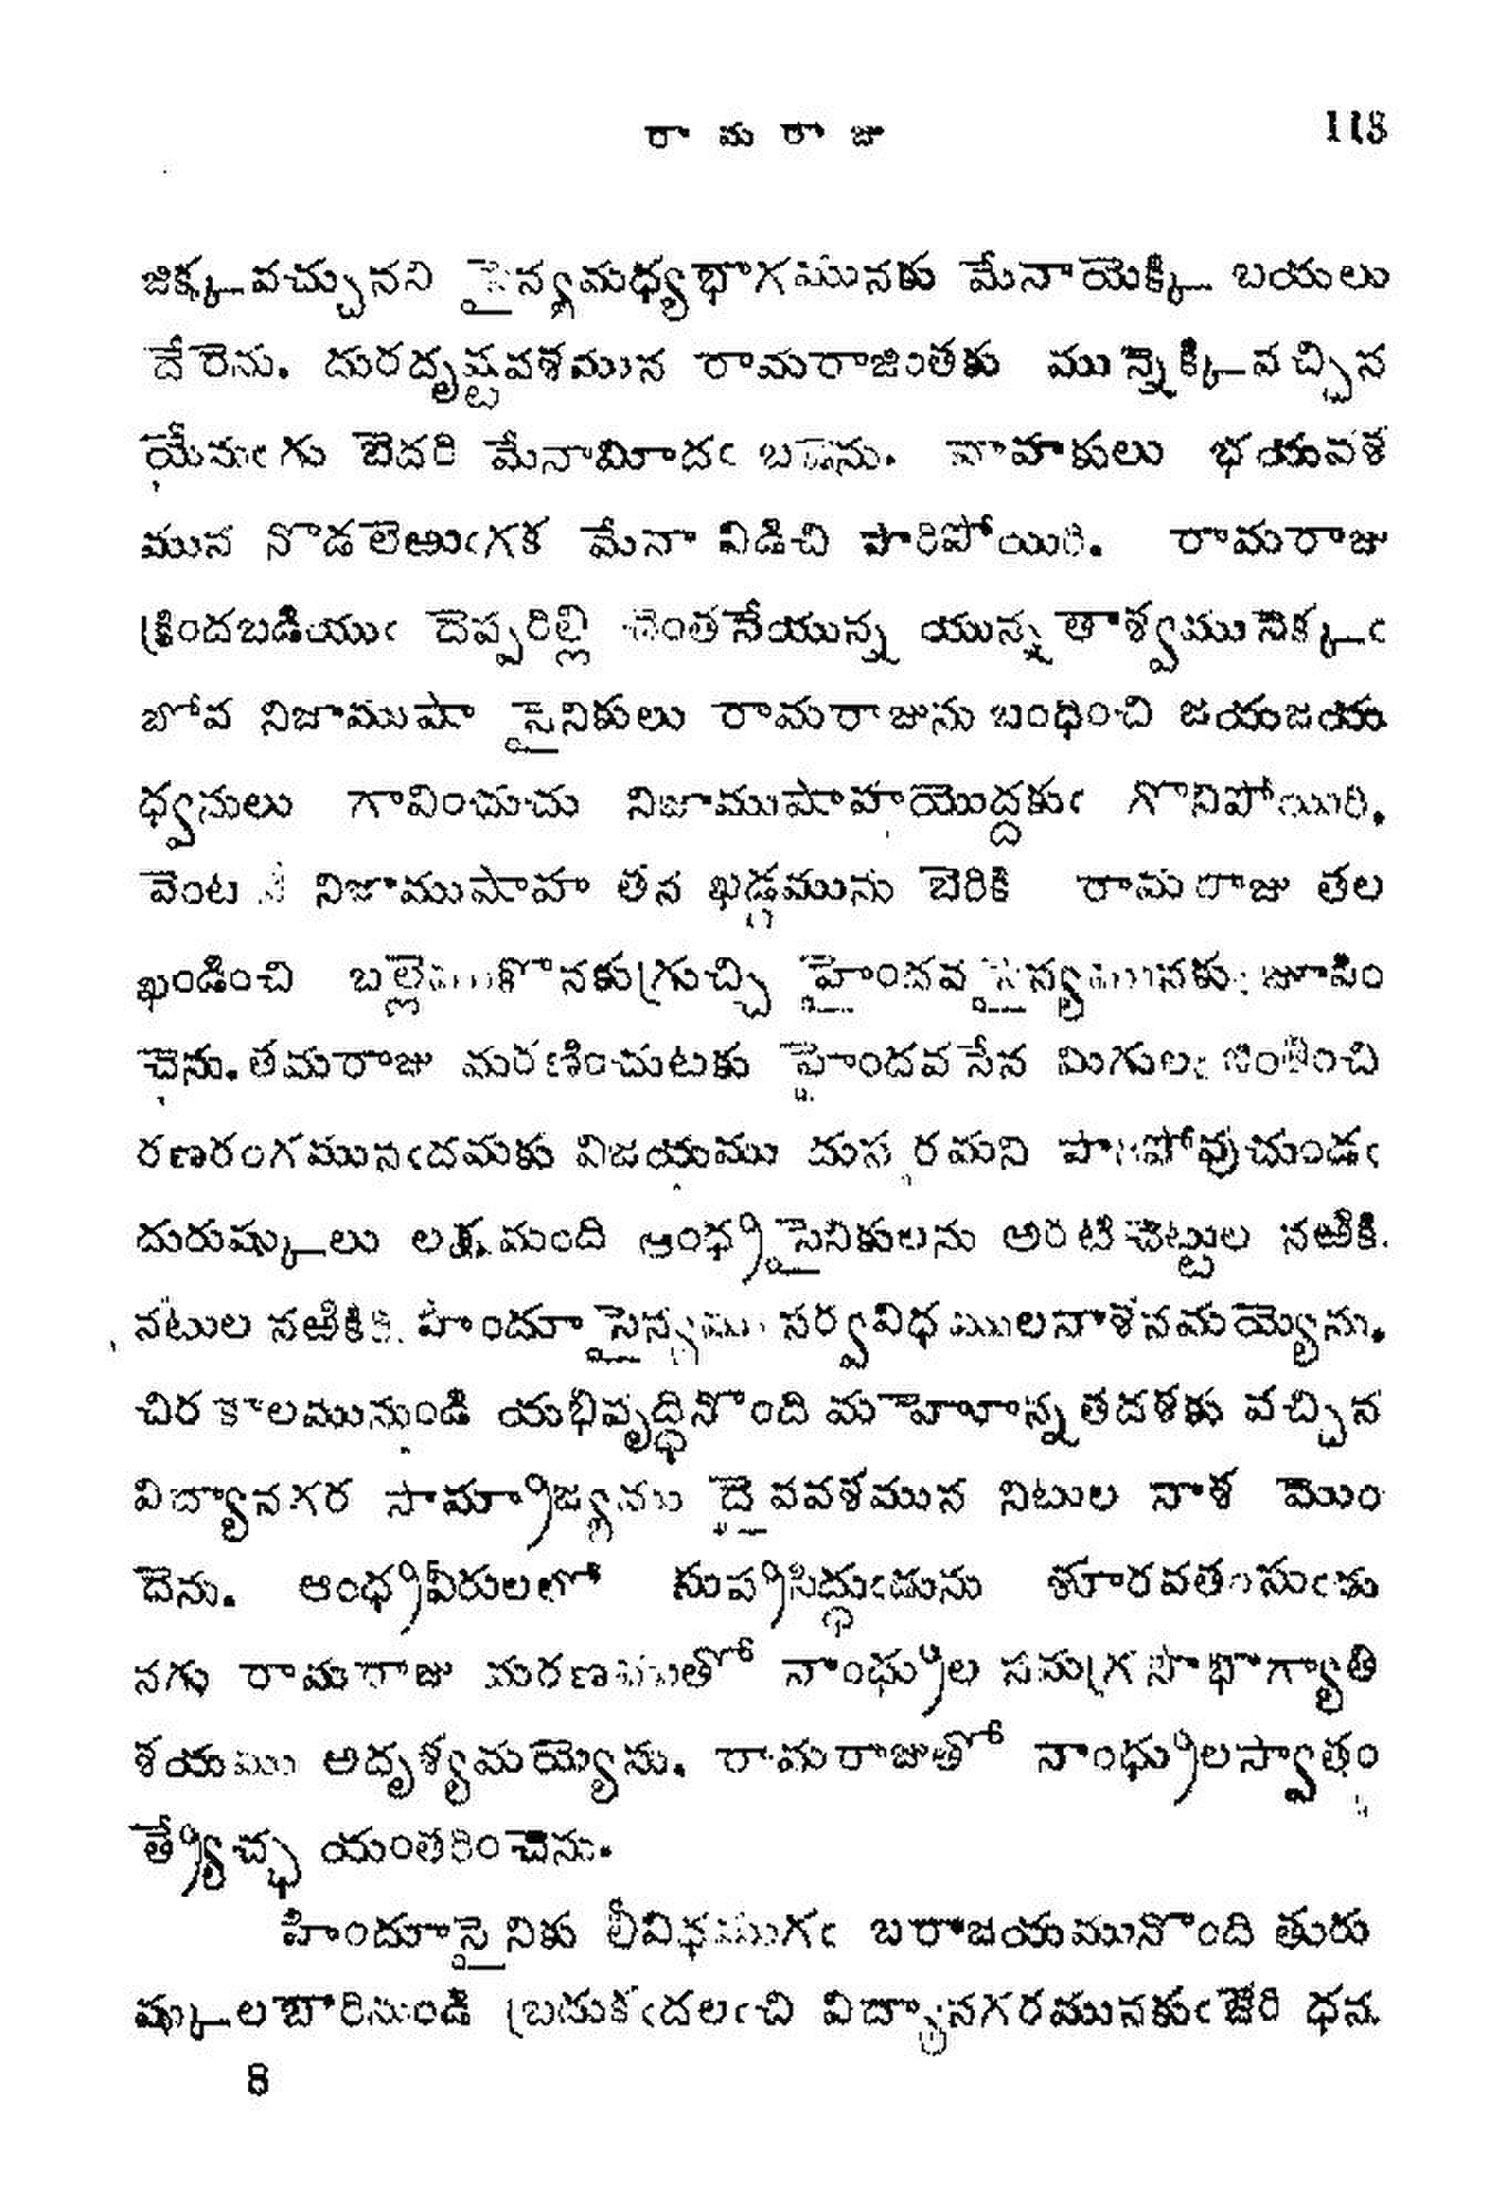జిక్కవచ్చునని సైన్యమధ్యభాగమునకు మేనాయెక్కి బయలు దేరెను. దురదృష్టవశమున రామరాజింతకు మున్నెక్కివచ్చిన యేనుగు బెదరి మేనామీద బడెను. వాహకులు భయవశమున నొడలెఱుగక మేనా విడిచి పారిపోయిరి. రామరాజు క్రిందబడియు దెప్పరిల్లి చెంతనేయున్న యున్నతాశ్వమునెక్కబోవ నిజాముషా సైనికులు రామరాజును బంధించి జయజయ ధ్వనులు గావించుచు నిజాముషాహయొద్దకు గొనిపోయిరి, వెంటనే నిజాముషాహ తన ఖడ్గమును బెరికి రామరాజు తల ఖండించి బల్లెము కొనకుగ్రుచ్చి హైందవసైన్యమునకు జూపించెను. తమరాజు మరణించుటకు హైందవసేన మిగుల జింతించి రణరంగమున దమకు విజయము దుస్తరమని పారిపోవుచుండ దురుష్కులు లక్షమంది ఆంధ్రసైనికులను అరటిచెట్టుల నఱికినటుల నఱికిరి. హిందూసైన్యము సర్వవిధముల నాశనమయ్యెను. చిరకాలమునుండి యభివృద్ధినొంది మహోన్నతదశకు వచ్చిన విద్యానగర సామ్రాజ్యము దైవవశమున నిటుల నాశ మొందెను. ఆంధ్రవీరులలో సుప్రసిద్ధుడును శూరవతంసుడునగు రామరాజు మరణముతో నాంధ్రుల సమగ్రసౌభాగ్యాతిశయము అదృశ్యమయ్యెను. రామరాజుతో నాంధ్రులస్వాతంత్ర్యేచ్చ యంతరించెను.

హైందూసైనికు లీవిధముగ బరాజయమునొంది తురుష్కులబారినుండి బ్రదుక దలచి విద్యానగరమునకు జేరి ధన